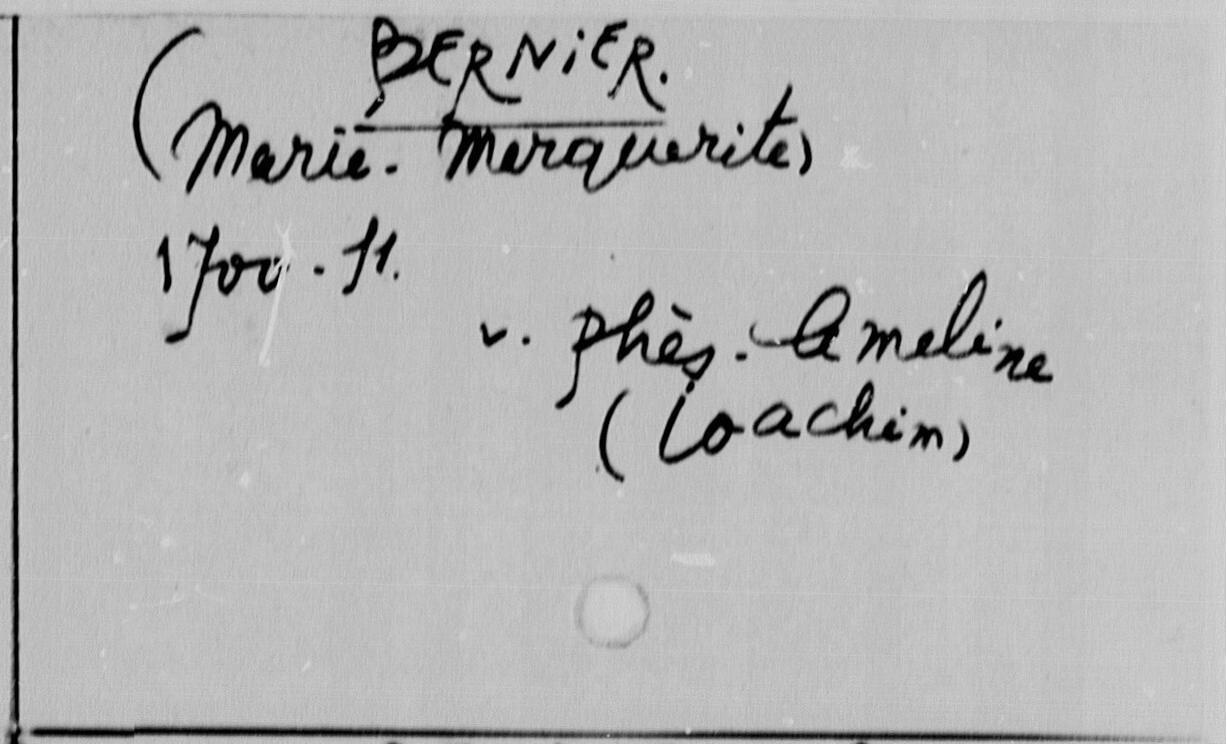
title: BERNIER (Marie-Marguerite)
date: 1700-1711
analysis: Voir Phès-Ameline (Joachim)
